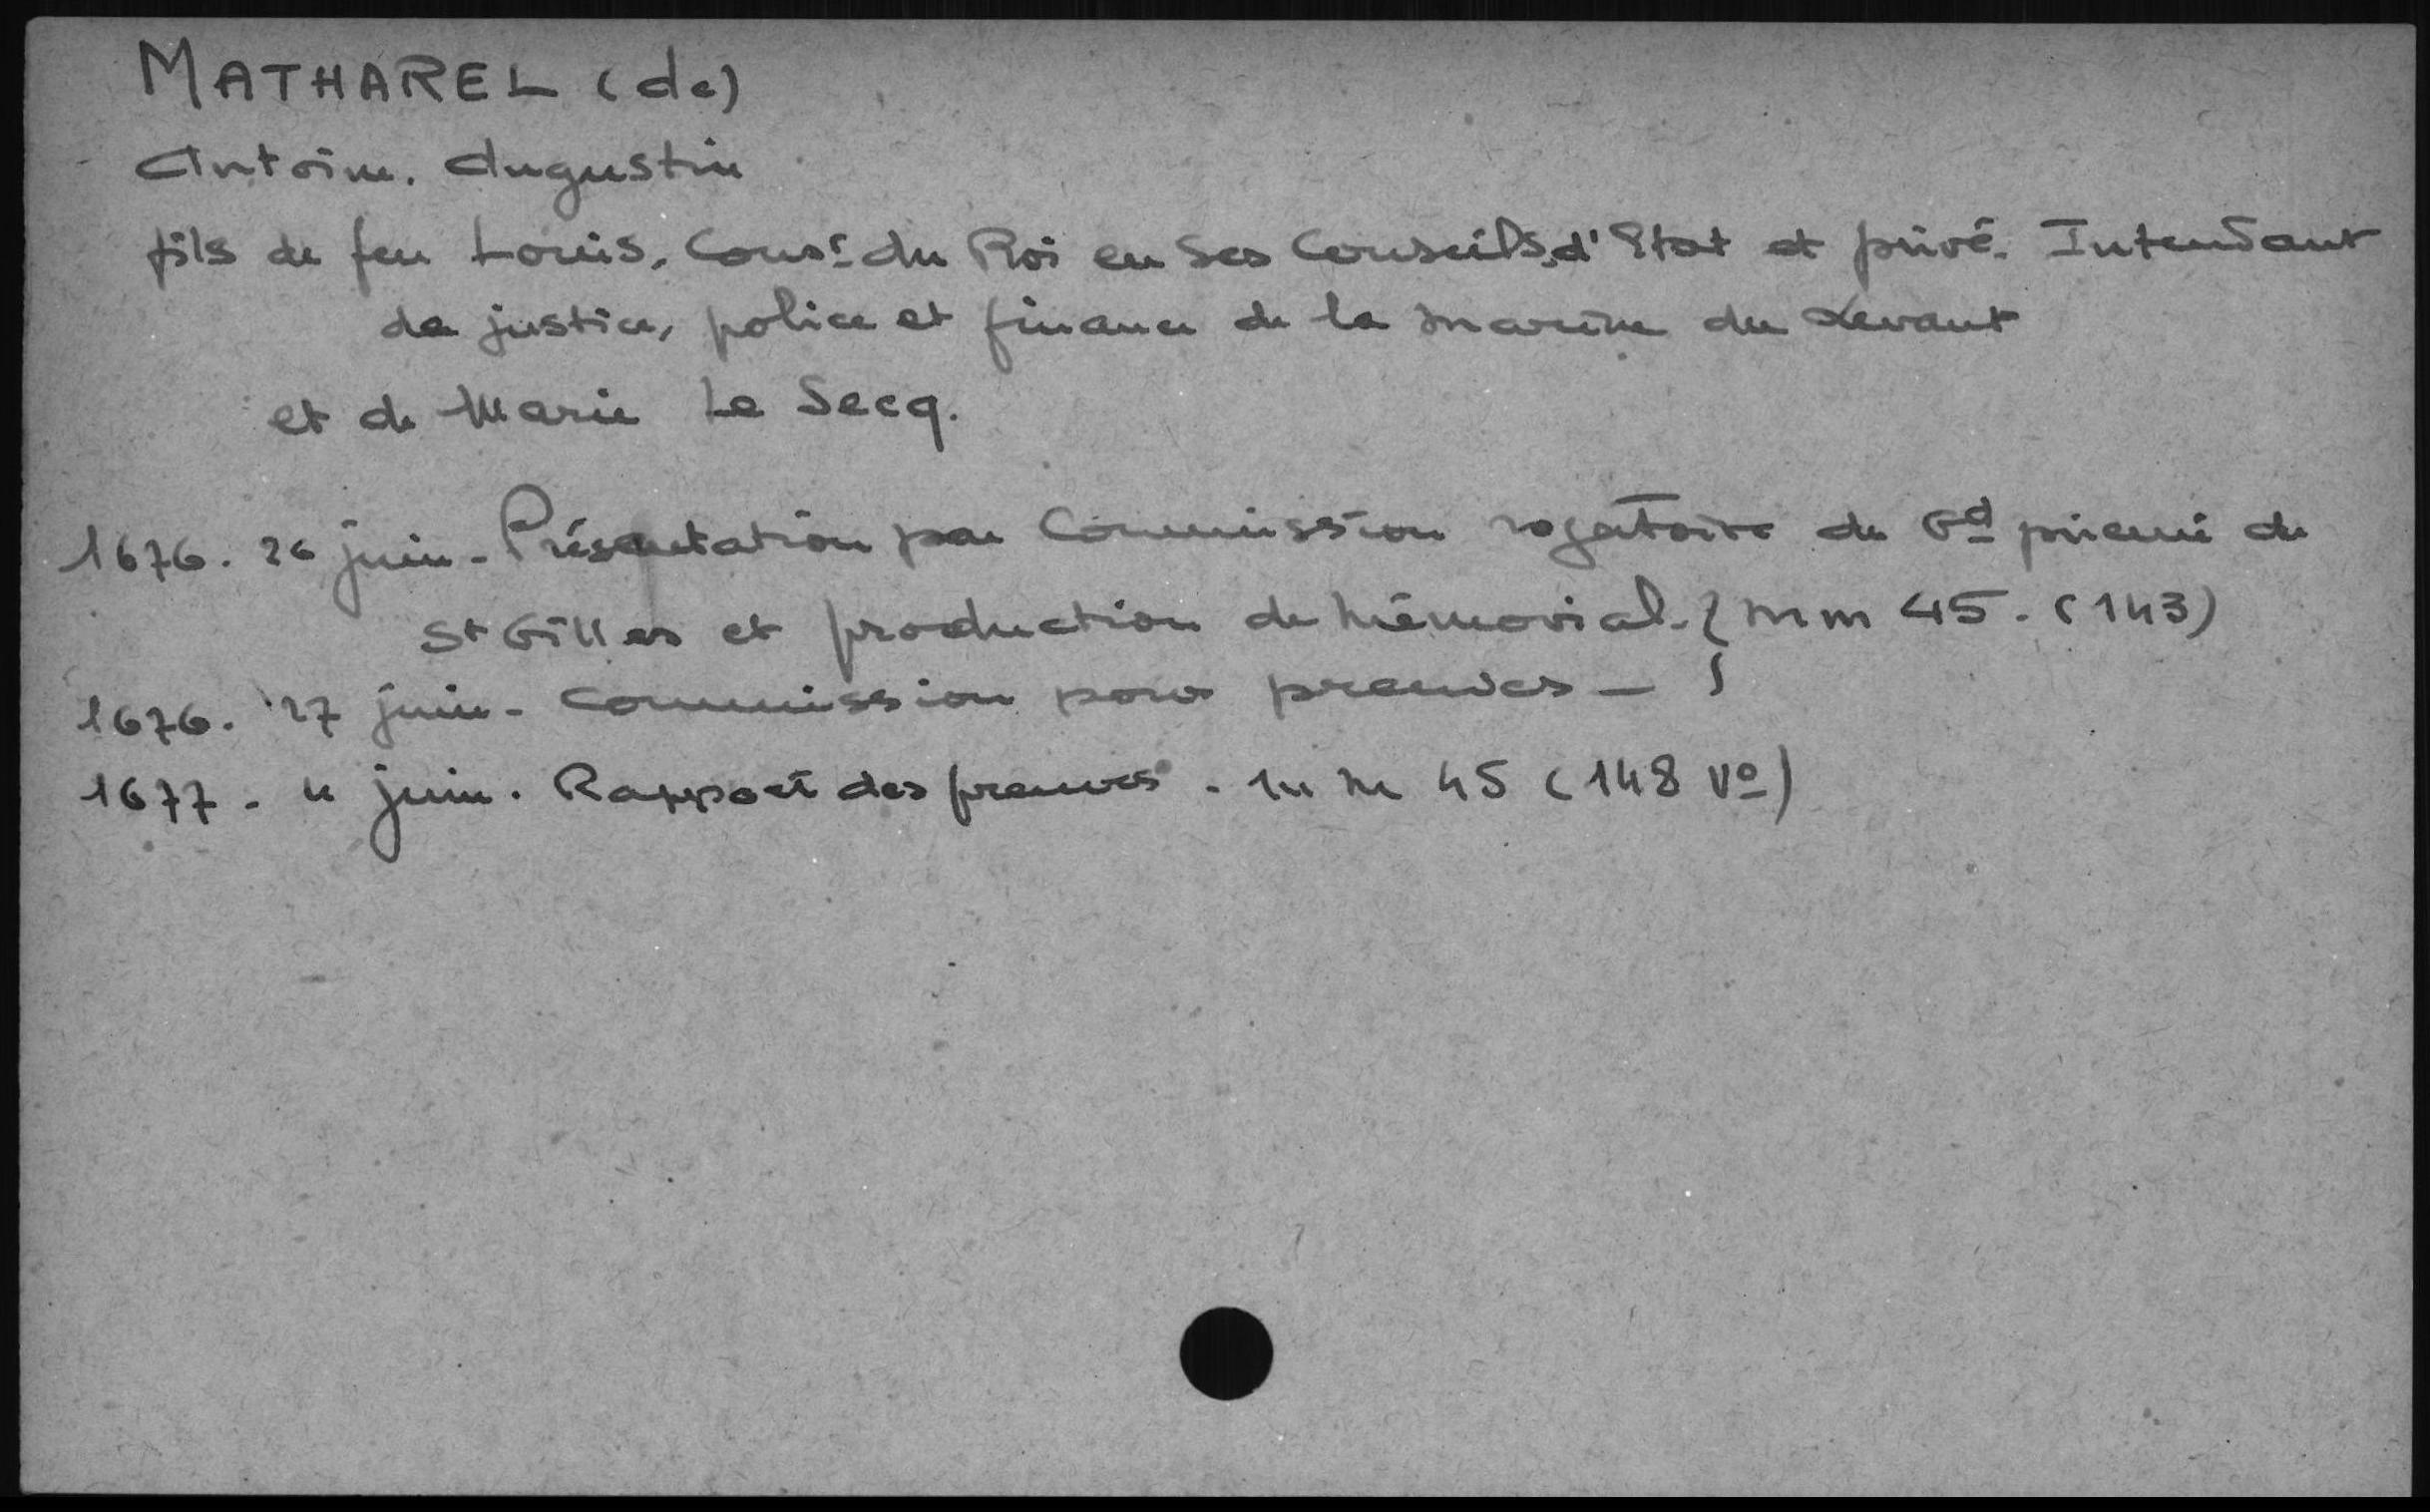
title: MATHAREL (de) Antoine-Augustin fils de feu Louis, conseiller du Roi en ses conseils d'Etat et privé, Intendant de justice, police et finance de la marine du Levant et de Marie Le Secq
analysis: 1676, 26 juin. Présentation par commission rogatoire du Grand Prieuré de Saint Gilles et production de mémorial. MM 45 (143) 1676, 27 juin. Commission pour preuves. 1677, 4 juin. Rapport des preuves. MM 45 (148v)
